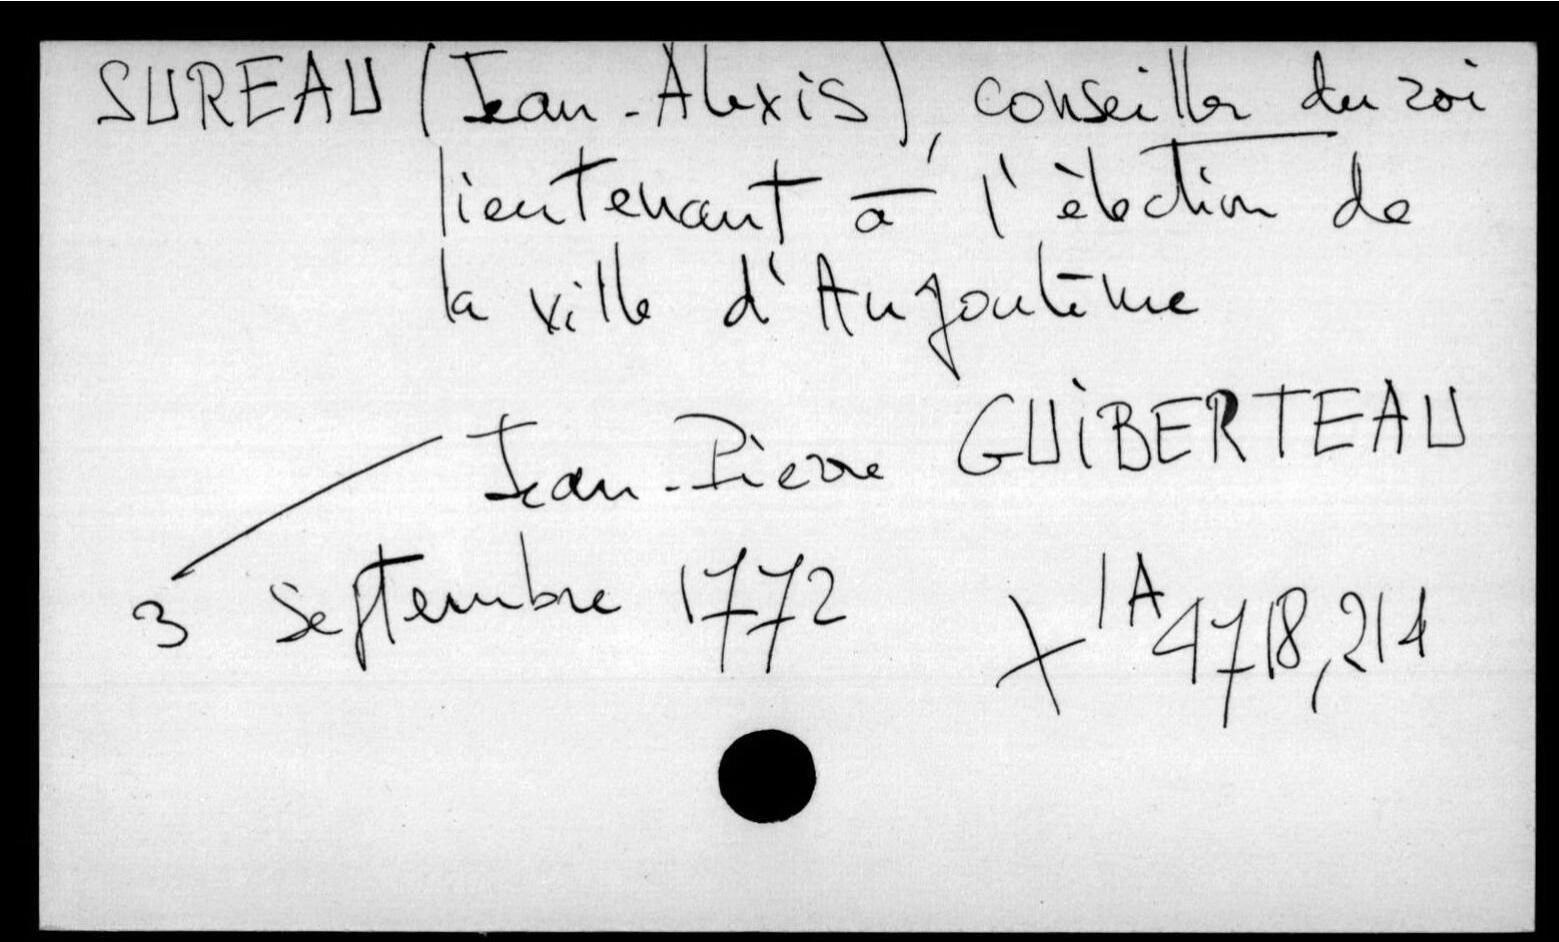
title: SUREAU (Jean-Alexis), conseiller du roi lieutenant à l'élection de la ville d'Angoulême
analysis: Contre Jean-Pierre GUIBERTEAU
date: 3 septembre 1772
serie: X1A
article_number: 4718
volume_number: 214
